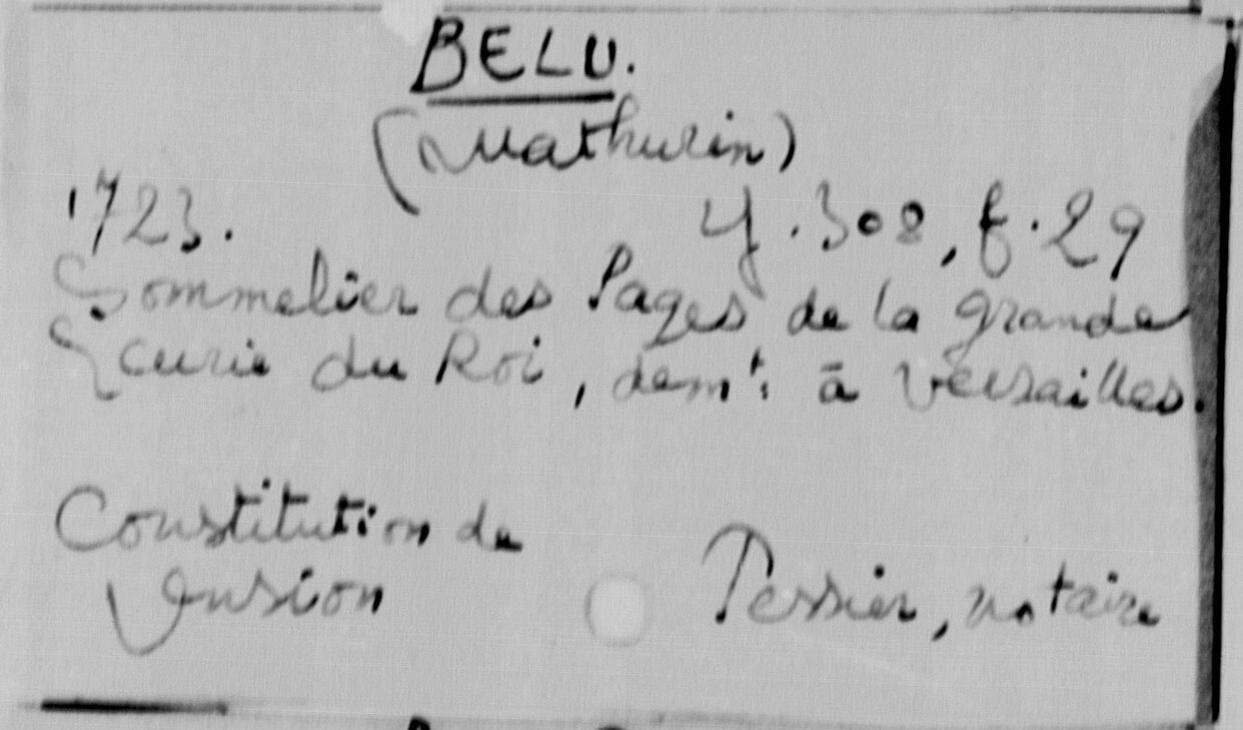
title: BELU (Mathurin)
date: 1723
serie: Y
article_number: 308
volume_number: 29
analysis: Sommelier des pages de la Grande Écurie du Roi, demeurant à Versailles. Constitution de version Pessier, notaire
